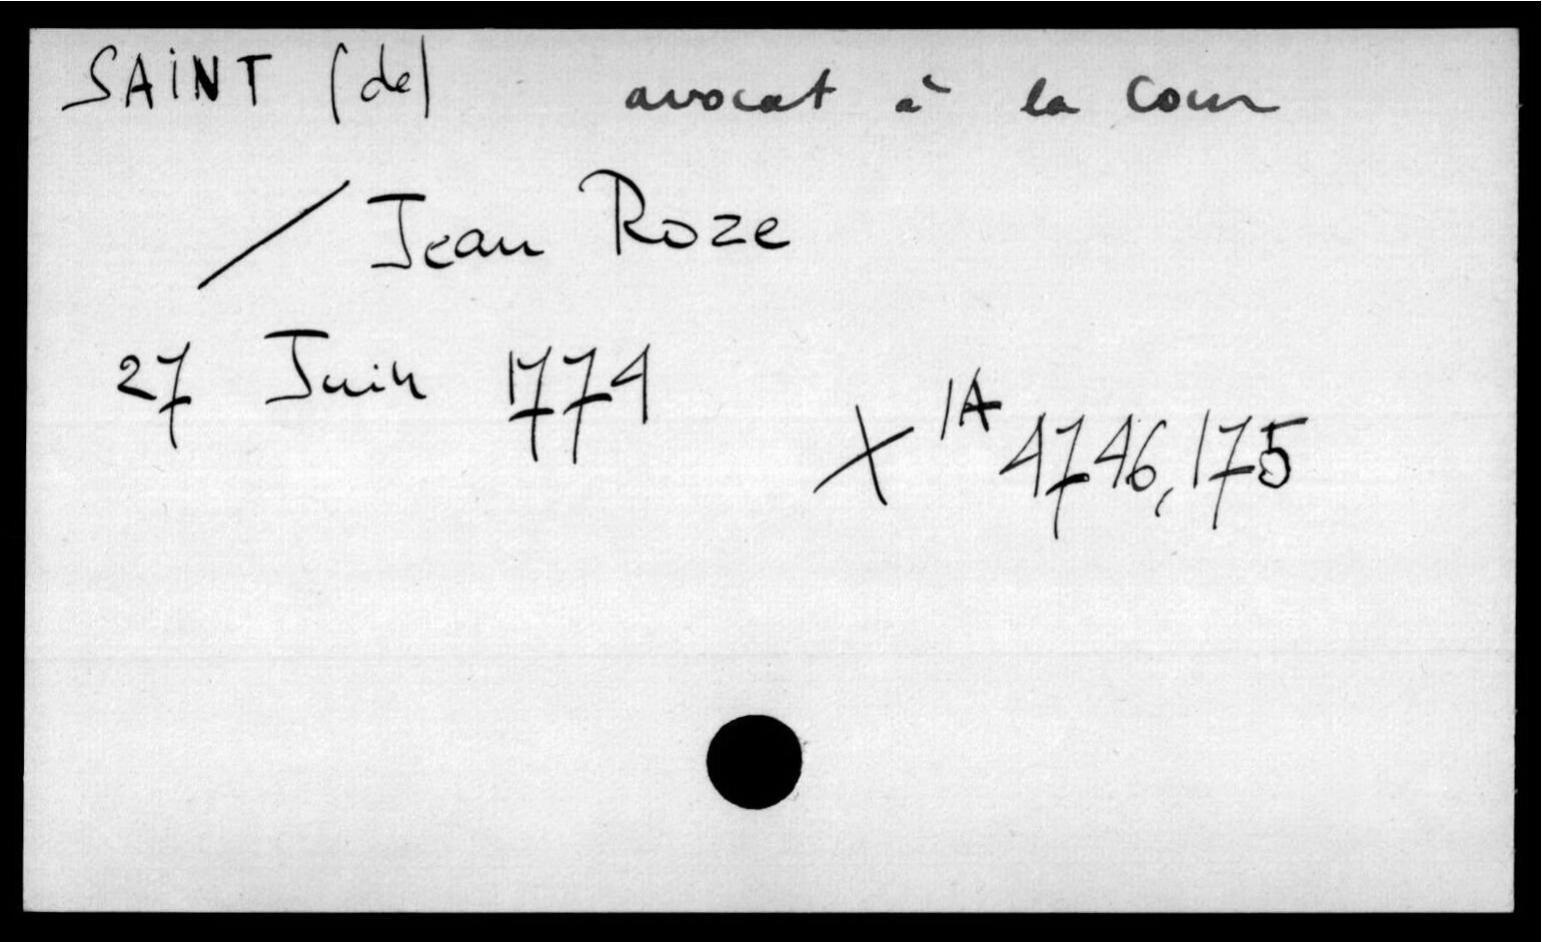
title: SAINT (de) avocat à la Cour
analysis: Contre Jean Roze
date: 27 juin 1774
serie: X1A
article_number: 4746
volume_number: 175
